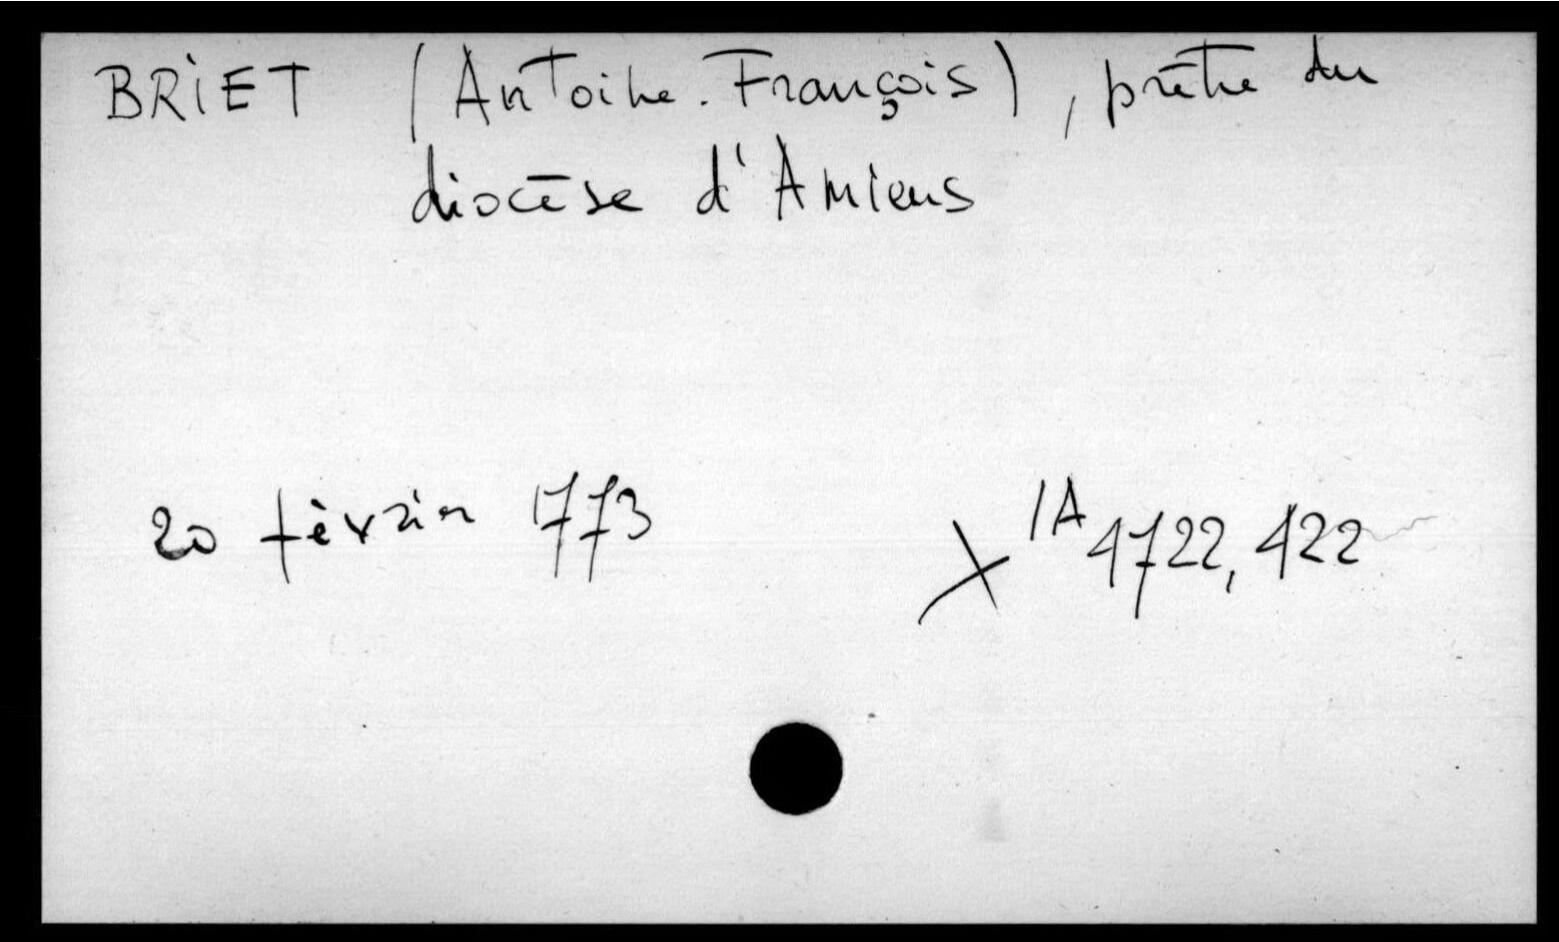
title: BRIET (Antoione-François), prêtre du diocèse d'Amiens
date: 20 février 1773
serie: X1A
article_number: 4722
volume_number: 422
